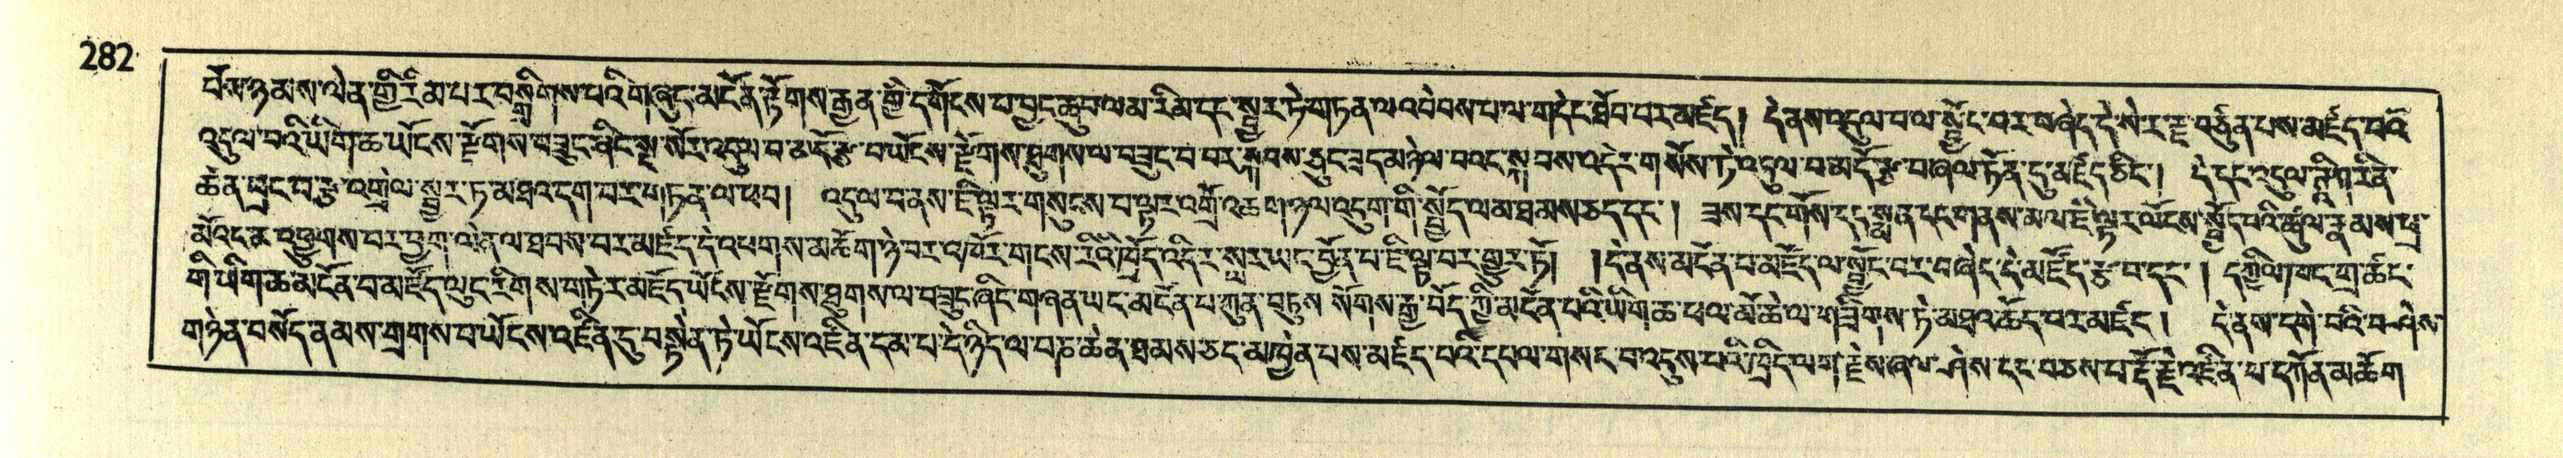བོས་ཉམས་ལེན་གྱི་རིམ་པར་བསྒྲིགས་པའི་གཞུང་མངོན་རྟོགས་རྒྱན་གྱི་དགོངས་པ་བྱང་ཆུབ་ལམ་རིམ་དང་སྦྱར་ཏེ་གཏན་ལ་འབེབས་པ་ལ་གདེང་ཐོབ་བར་མཛད། དེ་ནས་འདུལ་བ་ལ་སྦྱོང་བར་བཞེད་དེ་སེ་ར་རྗ་བཙུན་པས་མཛད་བའི་
འདུལ་བའི་ཡིག་ཆ་ཡོངས་རྫོགས་བཟུང་ཞིང་སྔ་སོར་འབུལ་བ་མདོ་རྩ་བ་ཡོངས་རྫོགས་ཐུགས་ལ་བཟུང་བ་བར་སྐབས་ཅུང་ཟད་མཉེལ་བའང་སྐབས་འདེར་གསོས་ཏེ་འདུལ་བ་མདོ་རྩ་བཞལ་ཏོན་དུ་མཛད་ཅིང་། དེ་དང་འདུལ་ཊཱིཀ་རིན་
ཆེན་ཕྲང་བ་རྩ་འགྲེལ་སྦྱར་ཏ་མཐའ་དག་པར་གཏན་ལ་ཕབ། འདུལ་བ་ནས་ཇི་ལྟར་གསུངས་བ་ལྟར་འགྲོ་འཆ་གཉལ་འདུག་གི་སྤྱོད་ལམ་ཐམས་ཅད་དང་། ཟས་དང་གོས་དང་སྨན་དང་གནས་མལ་ཇི་ལྟར་ལོངས་སྤྱོད་བའི་ཚུལ་རྣམས་ཕྲ་
མོའང་མ་འཕྱུགས་བར་ཕྱག་ལེན་ལ་ཐབས་བར་མཛད་དེ་འཕགས་མཆོག་ཉེ་བར་འཁྲོ་གངས་རིའི་ཁྲོད་འདིར་སླར་ཡང་བྱོན་པ་ཇི་ལྟ་བར་གྱུར་ཏོ། །དེ་ནས་མངོན་པ་མཛོད་ལ་སྦྱོང་བར་བཞེད་དེ་མཛོད་རྩ་བ་དང་། དཀྱིལ་ཁང་གྲ་ཚང་
གི་ཡིག་ཆ་མངོན་བ་མཛོད་ལུང་རིགས་གཏེར་མཇོད་ཡོངས་རྫོགས་ཐུགས་ལ་བཟུང་ཞིང་གཞན་ཡང་མངོན་པ་ཀུན་བཏུས་སོགས་རྒྱ་བོད་ཀྱི་མངོན་བའི་ཡིག་ཆ་ཕལ་མོ་ཆེ་ལ་གཟིགས་ཏེ་མཐའ་ཆོད་པར་མཛད། དེ་ནས་དགེ་བའི་བཤེས་
གཉེན་བསོད་ནམས་གྲགས་བ་ཡོངས་འཛིན་དུ་བསྟེན་ཏེ་ཡོངས་འཛིན་དམ་པ་དེ་ཉིད་ལ་བཎ་ཆེན་ཐམས་ཅད་མཁྱེན་པས་མཛད་པའི་དཔལ་གསང་བ་འདུས་པའི་ཁྲིད་ལག་རྗེས་ཞལ་ཤེས་དང་བཅས་པ་རྡོ་རྗེ་འཛིན་པ་དཀོན་མཆོག་